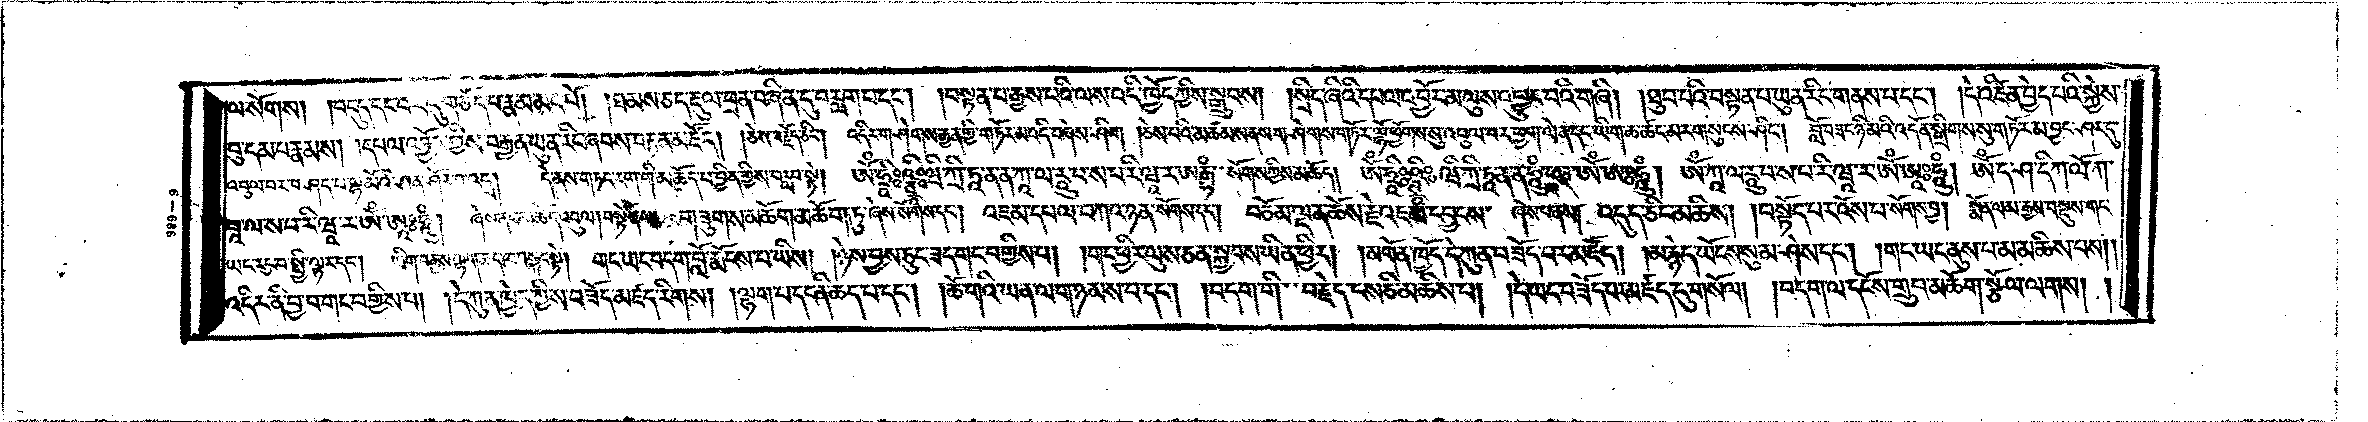ལ་སོགས། །བདུད་དང་བར་དུ་གཅོད་པ་རྣམ་མང་པོ། །ཐམས་ཅད་རྡུལ་ཕྲན་བཞིན་དུ་བརླག་པ་དང་། །བསྟན་པ་རྒྱས་པའི་ལས་འདི་ཁྱོད་ཀྱིས་བསྒྲུབས། །སྲིད་ཞིའི་དཔལ་འབྱོར་མ་ལུས་འབྱུང་བའི་གཞི། །ཐུབ་པའི་བསྟན་པ་ཡུན་རིང་གནས་པ་དང་། །དེ་འཛིན་བྱེད་པའི་སྐྱེས་
བུ་དམ་པ་རྣམས། །དཔལ་འབྱོར་གྱིས་བརྒྱན་ཡུན་རིང་ཞབས་བརྟན་མཛོད། །ཅེས་བརྗོད་ཅིང་། འདིར་གཤེགས་རྒྱན་གྱི་གཏོར་མ་འདི་བཞེས་ཤིག །ཅེས་པའི་མཚམས་ནས་གཤེགས་གཏོར་ལྷོ་ཕྱོགས་སུ་འབུལ་བར་ཕྱག་ལེན་དང་ཡིག་ཆ་ཚང་མར་གསུངས་ཤིང་། གློ་བཟང་ཉི་མའི་འདོན་སྒྲིགས་སུ་གཏོར་མ་བྱང་ཤར་དུ་
འབུལ་བར་བཤད་པ་ལྷ་མོའི་ཤན་ཤོན་བ་འདྲ། དེ་ནས་གཏང་རག་གི་མཆོད་པ་བྱིན་གྱིས་བརླབ་སྟེ། ཨོཾ་ཧྲཱིཿཤྚཱིཿཝི་ཁྲི་ཏཱ་ན་ན་ཀཱ་ལ་རཱུ་པ་ས་པ་རི་ཝཱ་ར་ཨརྒྷཾ་སོགས་ཀྱིས་མཆོད།  ཨོཾ་ཧྲཱིཿཥྚིཿཝི་ཀྲི་ཏཱ་ན་ན་ཧཱུཾ་ཕཊ་ཨོཾ་ཨཿཧཱུཾ། ཨོཾ་ཀཱ་ལ་རཱུ་བ་ས་པ་རི་ཝཱ་ར་ཨོཾ་ཨཱཿཧཱུཾ། ཨོཾ་ད་ཤ་དི་ཀ་ལོ་ཀ་
བཱ་ལ་ས་པ་རི་ཝཱ་ར་ཨོཾ་ཨཱཿཧཱུཾ། ཞེས་ནང་མཆོད་འབུལ། བསྟོན་ལ། གཟུགས་མཆོག་མཆོག་ཏུ་ཞེས་སོགས་དང་། འཇམ་དཔལ་བཀའ་ཉན་སོགས་དང་། བཅོམ་ལྡན་ཆོས་རྗེ་འཇམ་དབྱངས་ཞེས་པ་ནས། ་བདུད་ཅིང་མཆིས། །བསྟོད་པར་འོས་པ་སོགས་བྱ། སྨོན་ལམ་རྒྱས་བསྡུས་གང་
ཡང་རུང་བ་སྤྱི་ལྟར་དང་། ཡིག་བརྒྱས་ལྷག་ཆད་ཁ་བསྐང་སྟེ། གང་ཡང་བདག་བློ་རྨོངས་པ་ཡིས། །ཉེས་བྱས་ཅུང་ཟད་གང་བ་གྱིས་པ། །གང་ཕྱིར་ལུས་ཅན་སྐྱབས་ཡིན་ཕྱིར། །མགོན་ཁྱོད་དེ་ཀུན་བཟོད་པར་མཛོད། །མ་རྙེད་ཡོངས་སུ་མ་ཤེས་དང་། །གང་ཡང་ནུས་པ་མ་མཆིས་པས། །
འདིར་ནི་བྱ་བ་གང་བགྱིས་པ། །དེ་ཀུན་ཁྱེད་ཀྱིས་བཟོད་མཛད་རིགས། །ལྷག་པ་དང་ནི་ཆད་པ་དག། །ཆོ་གའི་ཡན་ལག་ཉམས་པ་དང་། །བདག་གིས་བརྗེད་ངས་ཅི་མཆིས་པ། །དེ་ཡང་བཟོད་པར་མཛད་དུ་གསོལ། །བདག་ལ་དངོས་གྲུབ་མཆོག་སྩོལ་ལགས། །